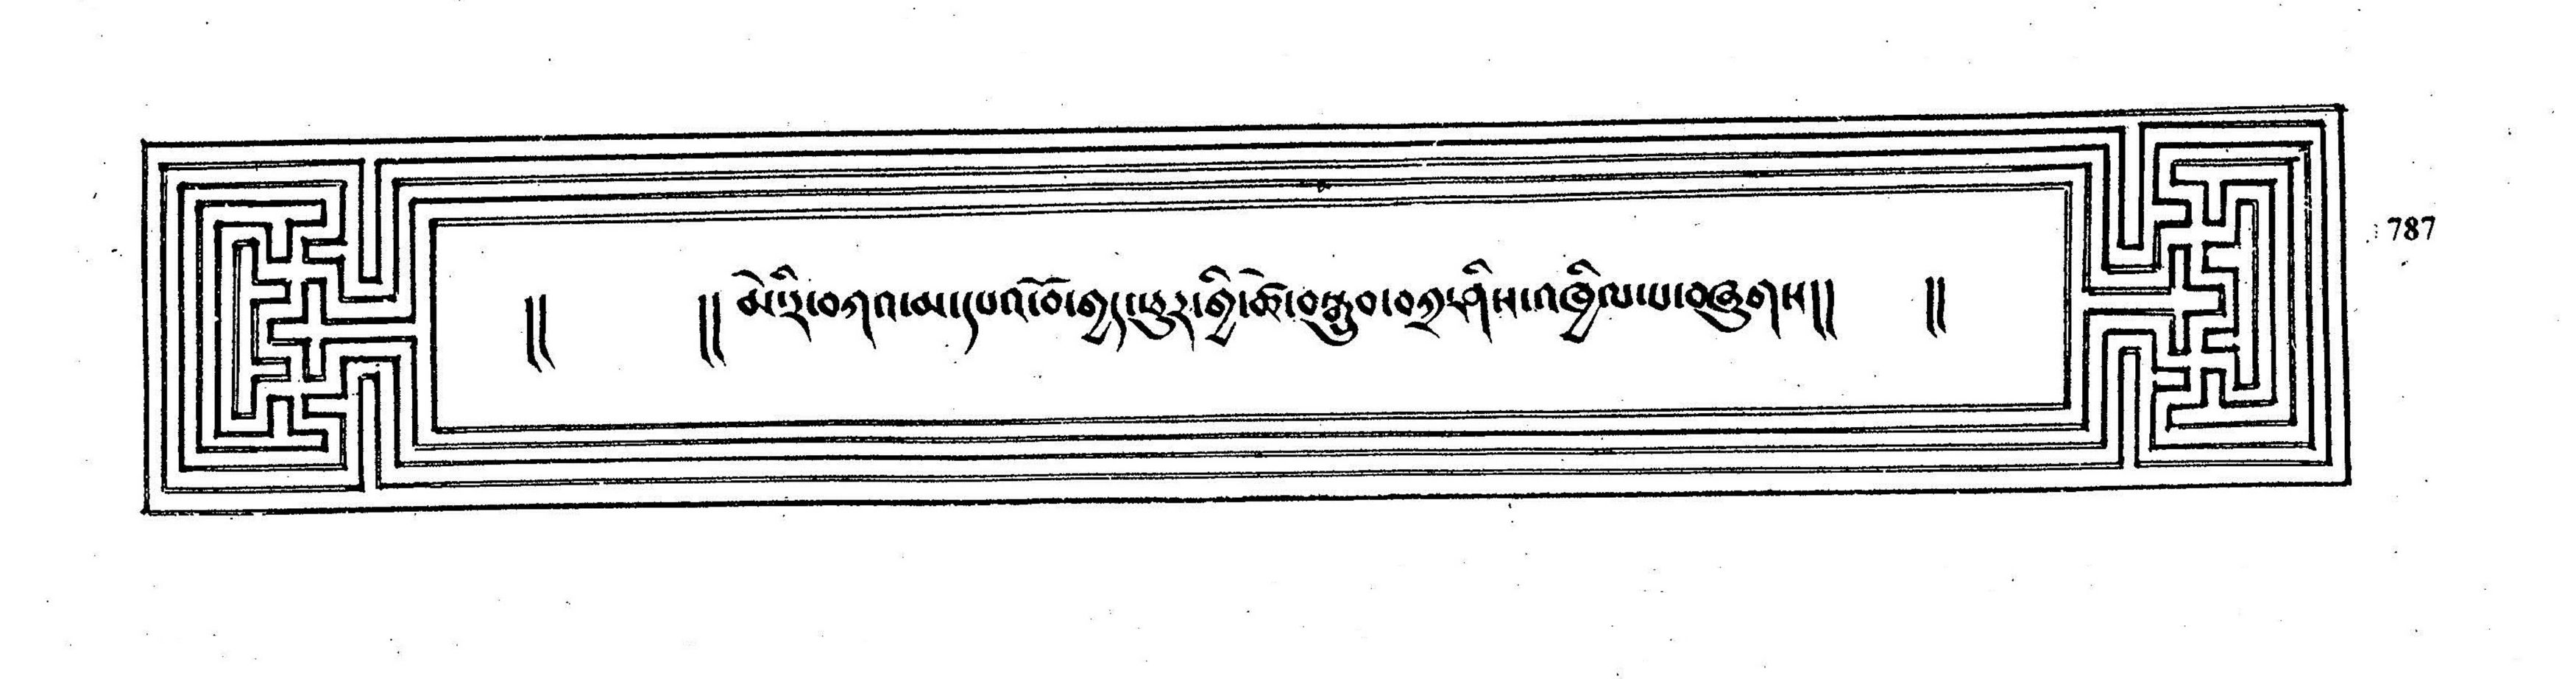{819}།། །།མེ་རི་བཀའ་མ་དཔའ་བོ་གྱད་ཕུར་གྱི་ཚེ་སྒྲུབ་བཀྲ་ཤིས་འཁྱིལ་པ་བཞུགས།། །།